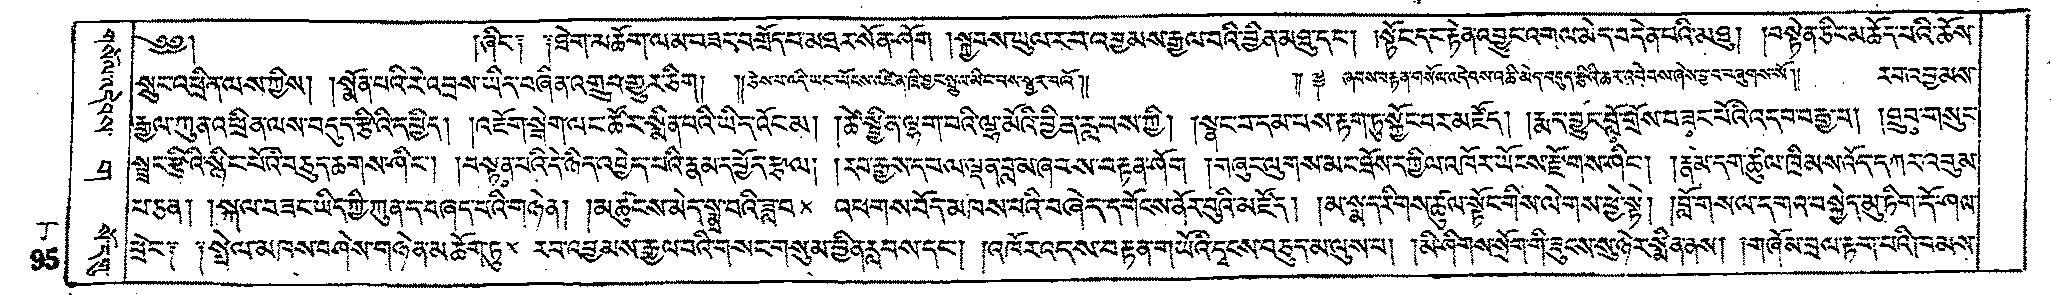༄༅། །ཞིང༑ ༑ཐེག་མཆོག་ལམ་བཟང་བགྲོད་པ་མཐར་སོན་ཤོག །སྐྱབས་ཡུལ་རབ་འབྱམས་རྒྱལ་བའི་བྱིན་མཐུ་དང་། །སྟོང་དང་རྟེན་འབྱུང་འགལ་མེད་བདེན་པའི་མཐུ། །བསྟེན་ཅིང་མཆོད་པའི་ཆོས་
སྲུང་འཕྲིན་ལས་ཀྱིས། །སྨོན་པའི་རེ་འབྲས་ཡིད་བཞིན་འགྲུབ་གྱུར་ཅིག། །།ཅེས་པ་འདི་ཡང་ཡོངས་འཛིན་ཁྲི་བྱང་སྤྲུལ་མིང་པས་སྦྱར་བའོ།། །། འ་ཞབས་བརྟན་གསོལ་འདེབས་འཆི་མེད་བདུད་རྩིའི་ཆར་འབེབས་ཞེས་བྱ་བ་བཞུགས་སོ།།  རབ་འབྱམས་
རྒྱལ་ཀུན་འཕྲིན་ལས་བདུད་རྩིའི་དཔྱིད། །འཇོག་སྒེག་ལང་ཚོར་སྨིན་པའི་ཡིད་འོང་མ། །ཚེ་སྦྱིན་ལྷག་པའི་ལྷ་མོའི་བྱིན་རླབས་ཀྱི། །སྣང་བ་དམ་པས་རྟག་ཏུ་སྐྱོང་བར་མཛོད། །རྨད་བྱུང་བློ྾་གྲོས་བཟང྾་པོའི་འདབ་བརྒྱ་པ། །ཐུབ྾་གསུང་
སྦྲང་རྩིའི་སྙིང་པོའི་བཅུད་ཆགས་ཤིང་། །བསྟན྾་པའི་དེ་ཉིད་འབྱེད་པའི་རྣམ་དཔྱོད་རྩལ། །རབ་རྒྱས་དཔལ་ལྡན་བླ་མ་ཞབས་བརྟན་ཤོག །གཞུང་ལུགས་མང་ཐོས་དཀྱིལ་འཁོར་ཡོངས་རྫོགས་ཤིང་། །རྣམ་དག་ཚུལ་ཁྲིམས་འོད་དཀར་འབུམ་
པ་ཅན། །སྐལ་བཟང་ཡིད་ཀྱི་ཀུན་ད་བཞད་པའི་གཉེན། །མཚུངས་མེད་སྨྲ་བའི་ཟླ་བ་྾་འཕགས་བོད་མཁས་པའི་བཞེད་དགོངས་ནོར་བུའི་མཛོད། །མ་སྨད་རིགས་ཚུལ་སྟོང་གིས་ལེགས་ཕྱེ་སྟེ། །བློ་གསལ་དགའ་བསྐྱེད་མུ་ཏིག་དོ་ཤལ་
ཕྲེང༑ ༑སྤེལ་མཁས་བཤེས་གཉེན་མཆོག་ཏུ་྾་རབ་འབྱམས་རྒྱལ་བའི་གསང་གསུམ་བྱིན་རླབས་དང་། །འཁོར་འདས་བརྟན་གཡོའི་དྭངས་བཅུད་མ་ལུས་པ། །མི་ཤིགས་སྲོག་གི་ཟུངས་སུ་ཉེར་སྨིན་ནས། །གཞོམ་བྲལ་རྟག་པའི་ཁམས་